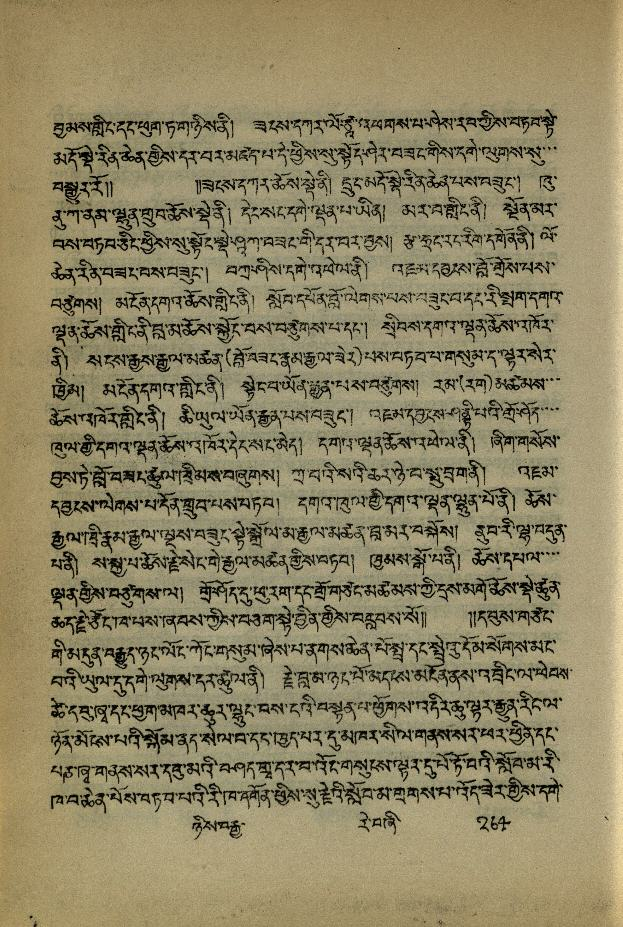བྱམས་གླིང་དང་ཕུག་ཏ་གཉིས་ནི། ཟངས་དཀར་ལོ་ཙཱ་འཕགས་པ་ཤེས་རབ་ཀྱིས་བཏབ་སྟེ་
མདོ་སྡེ་རིན་ཆེན་གྱིས་དར་བར་མཛད་པ་དེ་ཕྱིས་སུ་སྟོད་ཤེར་བཟང་གིས་དགེ་ལུགས་སུ་
བསྒྱུར་རོ།། །།ཟངས་དཀར་ཆོས་སྡེ་ནི། དྲུང་མདོ་སྡེ་རིན་ཆེན་པས་བཟུང་། ཁུ་
ནུ་ཀ་ནམ་ལྷུན་གྲུབ་ཆོས་སྡེ་ནི། དེང་སང་དགེ་ལྡན་པ་ཡིན། མར་བ་གླིང་ནི། སྔོན་མར་
བས་བཏབ་ཅིང་ཕྱིས་སུ་སྟོང་སྡེ་ཤཱཀ་བཟང་གི་དར་བར་བྱས། རྩ་ཧྲང་རང་རིག་དགོན་ནི། ལོ་
ཆེན་རིན་བཟང་བས་བཟུང་། བཀྲ་ཤིས་དགེ་འཕེལ་ནི། འཇམ་དབྱངས་བློ་གྲོས་པས་
བཙུགས། མངོན་དགའ་ཆོས་གླིང་ནི། སློབ་དཔོན་བློ་ལེགས་པས་བཟུང་བ་དང་རི་སྤག་དགའ་
ལྡན་ཆོས་གླིང་ནི་བླ་མ་ཆོས་སྐྱོང་བས་བཙུགས་པ་དང་། སྲིབས་དགའ་ལྡན་ཆོས་འཁོར་
ནི། སངས་རྒྱས་རྒྱལ་མཚན་བློ་བཟང་རྣམ་རྒྱལ་ཟེར་པས་བཏབ་པ་གསུམ་ད་ལྟར་སེར་
ཁྱིམ། མངོན་དགའ་གླིང་ནི། སྟེང་བ་ཡོན་རྒྱན་པས་བཙུགས། རམ་རག་མཚམས་
ཆོས་འཁོར་གླིང་ནི། ཆི་ཡུལ་ཡོན་རྒྱན་པས་བཟུང་། འཇམ་དབྱངས་ཤ་ནྟི་པའི་གྲོ་ཤོད་
ཁུལ་གྱི་དགའ་ལྡན་ཆོས་འཁོར་དེང་སང་མེད། དགའ་ལྡན་ཆོས་འཕེལ་ནི། ཞིག་གསོས་
བྱས་ཏེ་བློ་བཟང་ཚུལ་ཁྲིམས་བཞུགས། ཀྲ་བའི་སའི་ཆར་ཉེ་བ་སྤུ་བྲག་ནི། འཇམ་
དབྱངས་ལེགས་པ་དོན་གྲུབ་པས་བཏབ། དགའ་ཁུལ་གྱི་དགའ་ལྡན་ལྷུན་པོ་ནི། ཆོས་
རྒྱལ་ཁྲི་རྣམ་རྒྱལ་ལྔས་བཟུང་སྟེ་སྒྲོལ་མ་རྒྱལ་མཚན་བླ་མར་བསྐོས། ནུབ་རི་ལྷ་བདུན་
པ་ནི། ས་སྐྱ་པ་ཆོས་རྗེ་སེང་གེ་རྒྱལ་མཚན་གྱིས་བཏབ། ཁྱམས་སྒོ་པ་ནི། ཆོས་དཔལ་
ལྡན་གྱིས་བཙུགས་ལ། གྲོ་ཤོད་དུ་ཕུ་རག་དང་གྲོ་གཙང་མཚམས་ཀྱི་དྲས་མགོ་ཆོས་སྡེ་ཚུན་
ཆད་རྗེ་ཙོང་ཁ་པས་ཞབས་ཀྱིས་བཅག་སྟེ་བྱིན་གྱིས་བརླབས་སོ།། །།དབུས་གཙང་
གི་མདུན་བརྒྱུད་ཉང་ལོང་ཀོང་གསུམ་ཞེས་པ་ནགས་ཆེན་པོ་སྤྲ་དང་སྤྲེའུ་དོམ་སོགས་མང་
བའི་ཡུལ་དུ་དགེ་ལུགས་དར་ཚུལ་ནི། རྗེ་བླ་མ་ཉང་པོ་མདངས་མངོན་ནས་འབྲིང་ལ་ཕེབས་
ཚེ་དབུ་ཞྭ་དང་ཕྱག་མཁར་ཆུར་ལྷུང་བས་ངའི་བསྟན་པ་ཕྱོགས་འདིར་ཆུ་ལྟར་རྒྱུན་རིང་ལ་
ཉོན་མོངས་པའི་སྐོམ་ནད་སེལ་བ་དང་ཁྱད་པར་དུ་མཁར་སིལ་གནས་སར་ཕར་ཕྱིན་དང་
པཎ་ཞྭ་གནས་སར་དབུ་མའི་བཤད་གྲྭ་དར་བ་འོང་གསུངས་ལྟར་དུ་པོ་ཏོ་བའི་སློབ་མ་རི་
ཁ་བ་ཆེན་པོས་བཏབ་པའི་རི་ཁ་དགོན་ཕྱིས་སུ་རྗེའི་སློབ་མ་གྲགས་པ་འོད་ཟེར་གྱིས་དགེ་